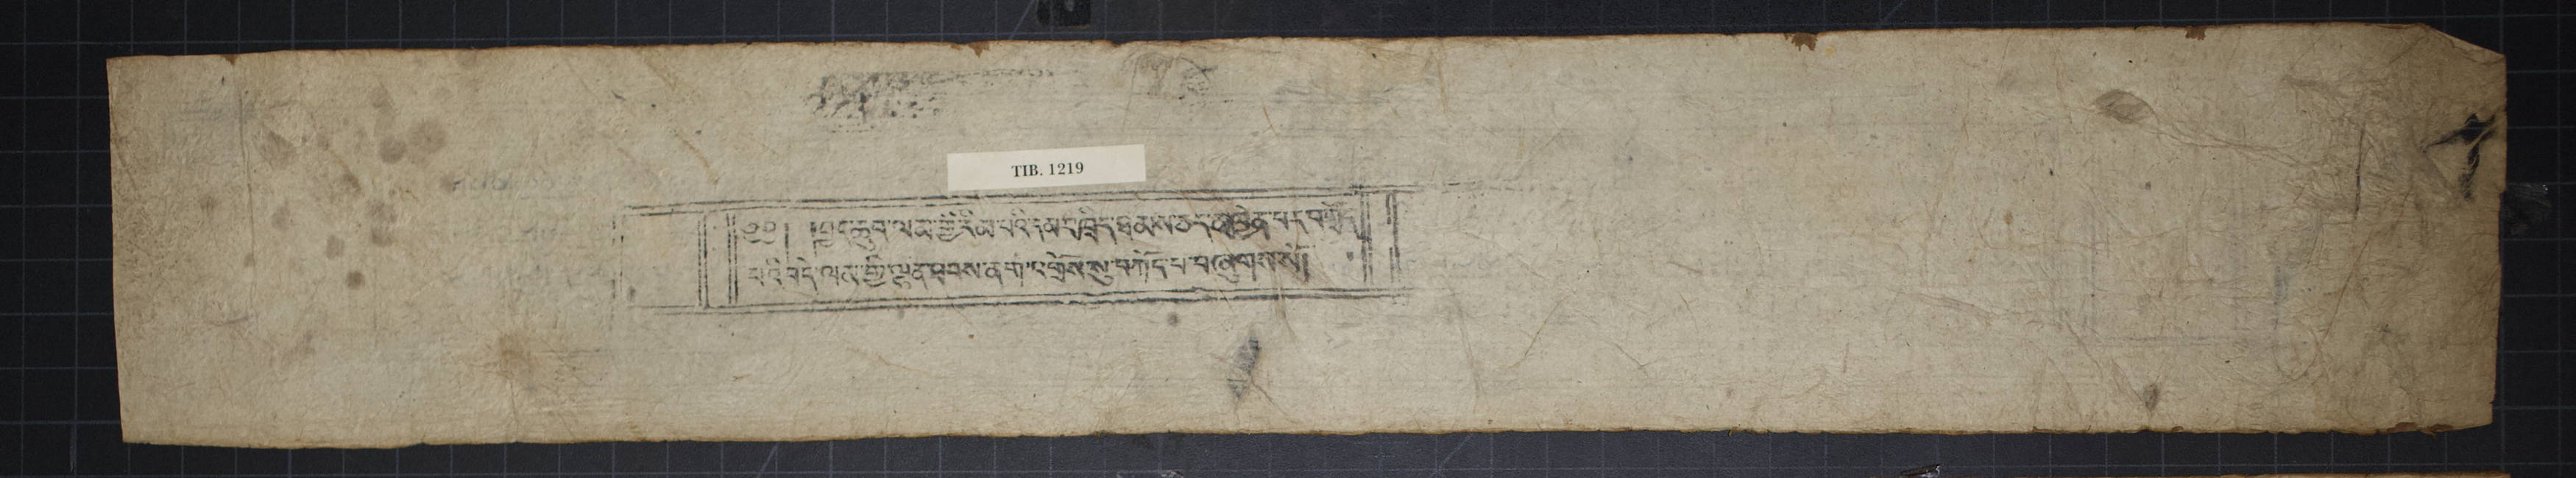༄༅། །བྱང་ཆུབ་ལམ་གྱི་རིམ་པའི་དམར་ཁྲིད་ཐམས་ཅད་མཁྱེན་པར་བགྲོད་
པའི་བདེ་ལམ་གྱི་ལྷན་ཐབས་ནག་བགྲོས་སུ་བཀོད་པ་བཞུགས་སོ། །